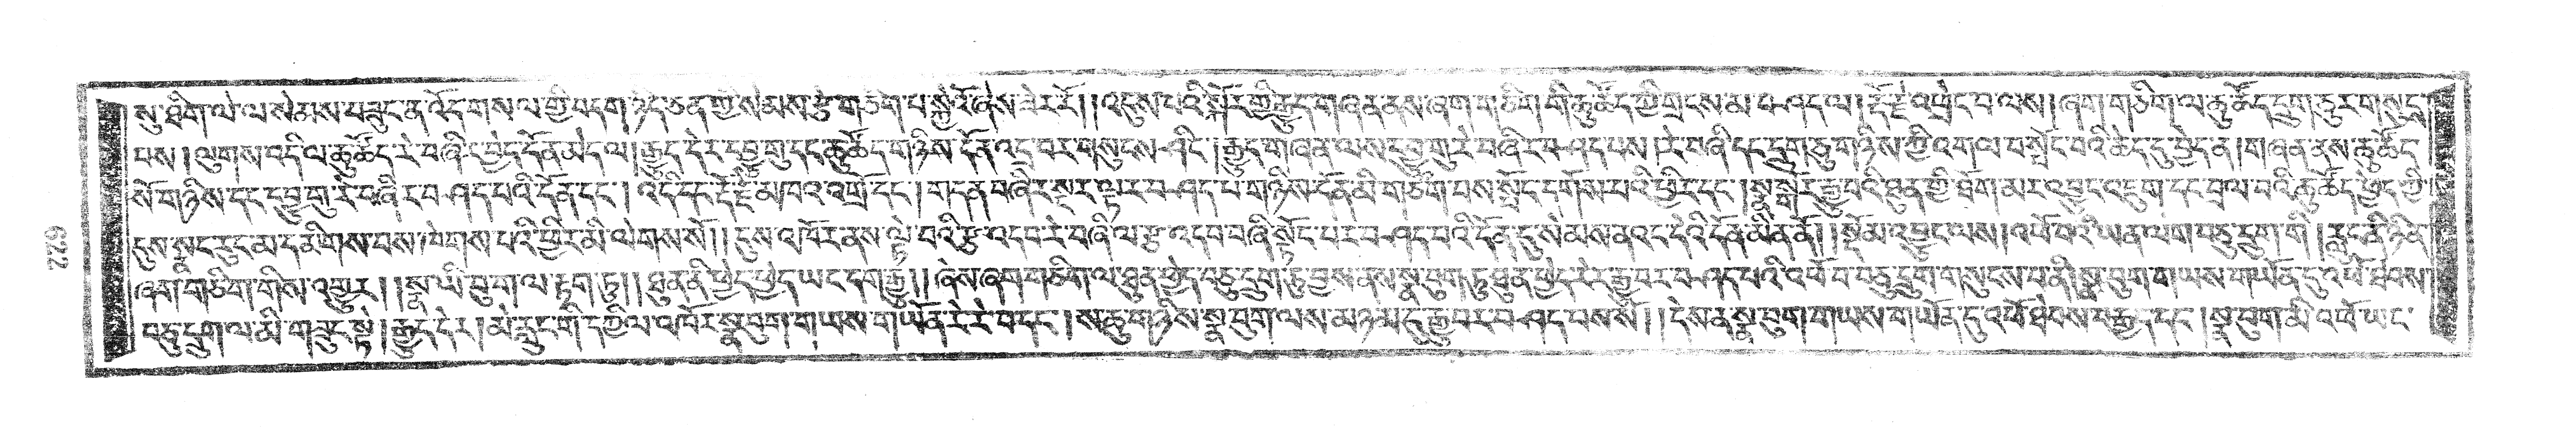སུ་ཐིག་ལེ་ལ་སེམས་བཟུང་ན་འོད་གསལ་གྱི་བདག་ཉིད་ཅན་གྱི་སེམས་རྩེ་གཅིག་པ་སྐྱེའོ་ཞེས་ཟེར་རོ། །འདུས་པའི་སྐོར་གྱི་རྒྱུད་གཞན་ནས་ཞག་གཅིག་གི་ཆུ་ཚོད་ཀྱི་གྲངས་མ་བཤད་ལ། རྡོ་རྗེ་འཕྲེང་བ་ལས། ཞག་གཅིག་ལ་ཆུ་ཚོད་དྲུག་ཅུར་གསུངས་
པས། ལུགས་འདི་ལ་ཆུ་ཚོད་རེ་བཞིར་བྱེད་དོན་མེད་ལ། རྒྱུད་དེར་དབྱུ་གུ་དང་ཆུ་ཚོད་གཉིས་དོན་འདྲ་བར་གསུངས་ཤིང་། རྒྱུད་གཞན་ལས་དབྱུ་གུ་རེ་བཞིར་བཤད་པས། རེ་བཞི་དང་དྲུག་ཅུ་གཉིས་ཀྱི་འགལ་བ་སྤོང་བའི་ཆེད་དུ་བྱེད་ན། གཞན་ནས་ཆུ་ཚོད་
སོ་གཉིས་དང་དབྱུ་གུ་རེ་བཞིར་བཤད་པའི་དོན་དང་། འདི་དང་རྡོ་རྗེ་མཁའ་འགྲོ་དང་། གདན་བཞིར་སྔར་ལྟར་བཤད་པ་གཉིས་དོན་མི་གཅིག་པས་སྤོང་དགོས་པའི་ཕྱིར་དང་། སྣ་སྒོར་རྒྱུ་བའི་ཐུན་གྱི་ཐོག་མར་འབྱུང་འཇུག་དང་བྲལ་བའི་ཆུ་ཚོད་ཕྱེད་ཀྱི་
དུས་སྣང་རུང་མ་དམིགས་པས་ཁེགས་པའི་ཕྱིར་མི་ལེགས་སོ། །དུས་འཁོར་ནས་ལྟེ་བའི་རྩ་འདབ་རེ་བཞི་ལ་རྩ་འདབ་བཞི་སྟོང་པར་བཤད་པའི་དོན་དུ་སེམས་ནའང་དེའི་དོན་མིན་ནོ། །སྡོམ་འབྱུང་ལས། འཕོ་བའི་ཡན་ལག་བཅུ་དྲུག་གི །རླུང་ནི་ཉིན་
ཞག་གཅིག་གིས་འགྱུར། །སྣ་ཡི་བུ་ག་ལ་རྟག་ཏུ། །ཐུན་ནི་ཕྱེད་ཕྱེད་ཡང་དག་རྒྱུ། །ཞེས་ཞག་གཅིག་ལ་ཐུན་ཕྱེད་བཅུ་དྲུག་ཏུ་བྱས་ནས་སྣ་བུག་ཏུ་ཐུན་ཕྱེད་རེར་རྒྱུ་བར་བཤད་པའི་འཕོ་བ་བཅུ་དྲུག་གསུངས་པ་ནི། སྣ་བུག་གཡས་གཡོན་དུ་འཕོ་ཐེབས་
བཅུ་དྲུག་ལ་མི་གཟུང་སྟེ། རྒྱུད་དེར། མེ་རླུང་གི་དཀྱིལ་འཁོར་སྣ་བུག་གཡས་གཡོན་རེ་ར་བ་དང་། ས་ཆུ་གཉིས་སྣ་བུག་ལས་མཉམ་དུ་རྒྱུ་བར་བཤད་པས་སོ། །དེས་ན་སྣ་བུག་གཡས་གཡོན་དུ་འཕོ་ཐེབས་བརྒྱད་དང་། སྣ་བུག་མི་འཕོ་ཡང་